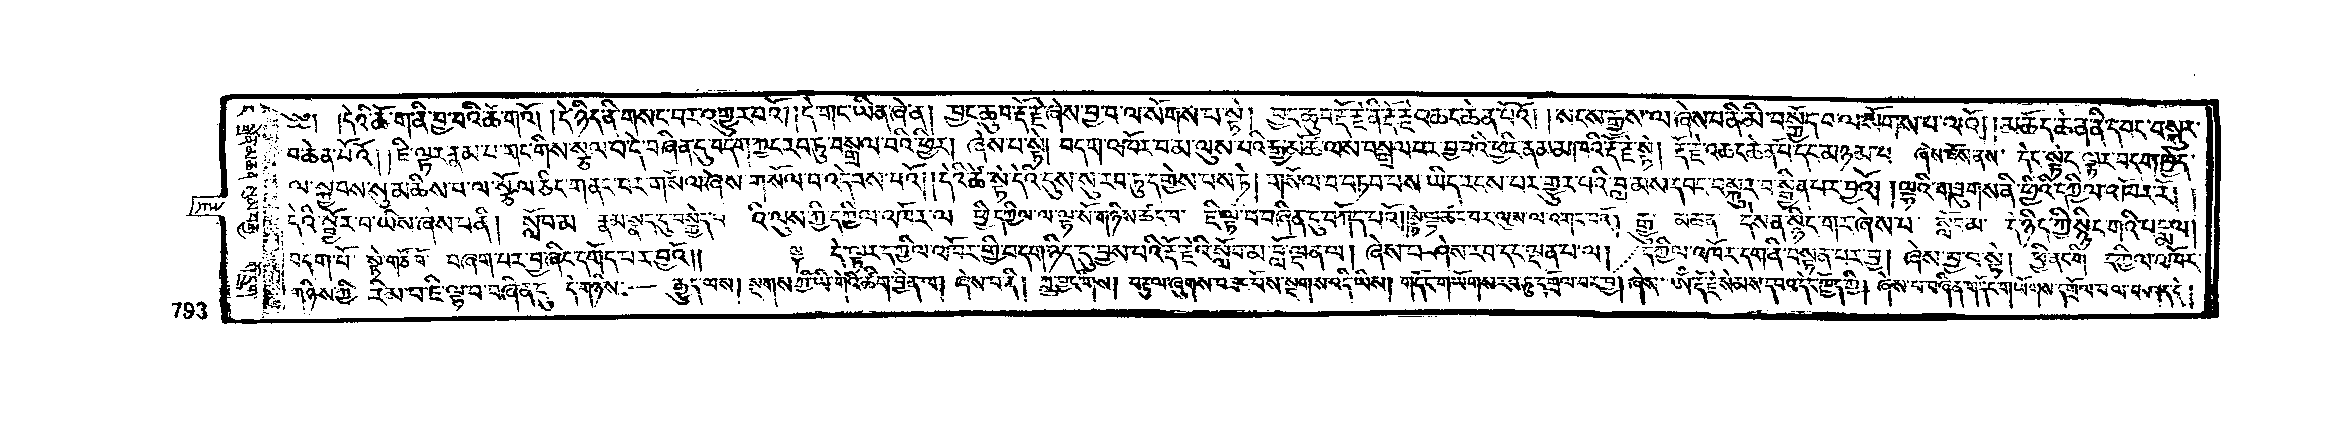༄༅། །དེའི་ཆོ་ག་ནི་བྱ་བའི་ཆོ་གའོ། །དེ་ཉིད་ནི་གསང་བར་འགྱུར་བའོ། །དེ་གང་ཡིན་ཞེ་ན། བྱང་ཆུབ་རྡོ་རྗེ་ཞེས་བྱ་བ་ལ་སོགས་པ་སྟེ། བྱང་ཆུབ་རྡོ་རྗེ་ནི་རྡོ་རྗེ་འཆང་ཆེན་པོའོ། །སངས་རྒྱས་ལ་ཞེས་པ་ནི་མི་བསྐྱོད་པ་ལ་སོགས་པ་ལའོ། །མཆོད་ཆེན་ནི་དབང་བསྐུར་
བ་ཆེན་པོའོ། །ཇི་ལྟར་རྣམ་པ་གང་གིས་སྩལ་བ་དེ་བཞིན་དུ་བདག་ཀྱང་རབ་ཏུ་བསྒྲལ་བའི་ཕྱིར། ཞེས་པ་སྟེ། བདག་འཁོར་བ་མ་ལུས་པའི་རྒྱ་མཚོ་ལས་བསྒྲལ་བར་བྱ་བའི་ཕྱིར་ནམ་མཁའི་རྡོ་རྗེ་སྟེ། རྡོ་རྗེ་འཆང་ཆེན་པོ་དང་མཉམ་པ་ཞེས་ཐོས་ནས་དེང་སྟེ་ད་ལྟར་བདག་ཁྱེད་
ལ་སྐྱབས་སུ་མཆིས་པ་ལ་སྩོལ་ཅིང་གནང་བར་གསོལ་ཞེས་གསོལ་བ་འདེབས་པའོ། །དེའི་ཚེ་སྟེ་དེའི་དུས་སུ་རབ་ཏུ་དགྱེས་པས་ཏེ། གསོལ་བ་བཏབ་པས་ཡིད་རངས་པར་གྱུར་པའི་བླ་མས་དབང་བསྐུར་བ་སྦྱིན་པར་བྱའོ། །ལྷའི་གཟུགས་ནི་ཕྱིའི་དཀྱིལ་འཁོར་རོ། །
དེའི་སྦྱོར་བ་ཡིས་ཞེས་པ་ནི། སློབ་མ་རྣམ་སྣང་དུ་བསྐྱེད་པའི་ལུས་ཀྱི་དཀྱིལ་འཁོར་ལ་ཕྱི་དཀྱིལ་ལ་ལྟ་སོ་གཉིས་ཚང་བ་ཇི་ལྟ་བ་བཞིན་དུ་བཀོད་པའོ། ། སྟེ་ལྷ་ཆང་བར་ལུས་ལ་འགོད་པའོ། རྒྱུ་མཚན་དེས་ན་སྙིང་གར་ཞེས་པ་སློབ་མ་དེ་ཉིད་ཀྱི་སྙིང་གའི་པདམ་ལ།
བདག་པོ་སྟེ་གཙོ་བོ་བཞག་པར་བྱ་ཞིང་དགོད་པར་བྱའོ།། ༈ དེ་ལྟར་དཀྱིལ་འཁོར་གྱི་བདག་ཉིད་དུ་བྱས་པའི་རྡོ་རྗེའི་སློབ་མ་བློ་ལྡན་ལ། ཞེས་པ་ཤེས་རབ་དང་ལྡན་པ་ལ། དཀྱིལ་འཁོར་དག་ནི་བསྟན་པར་བྱ། ཞེས་བྱ་བ་སྟེ། ཕྱི་ནང་གི་དཀྱིལ་འཁོར་
གཉིས་ཀྱི་རིམ་པ་ཇི་ལྟ་བ་བཞིན་དུ་དེ་གཉིས་H.་རྒྱུད་ལས། སྔགས་ཀྱི་ཡི་གེའི་ཚིག་བྱིན་ལ། ཞེས་པ་ནི། ཀླུ་བྱང་གིས། བརྟུལ་ཞུགས་བཟང་པོས་སྔགས་འདི་ཡིས། གདོང་གཡོགས་རབ་ཏུ་དགྲོལ་བར་བྱ། ཞེས་ཨོཾ་རྡོ་རྗེ་སེམས་དཔའ་དེང་ཁྱོད་ཀྱི། ཞེས་པ་བཞིན་གདོང་གཡོགས་དགྲོལ་བ་ལ་བཤད་དེ།